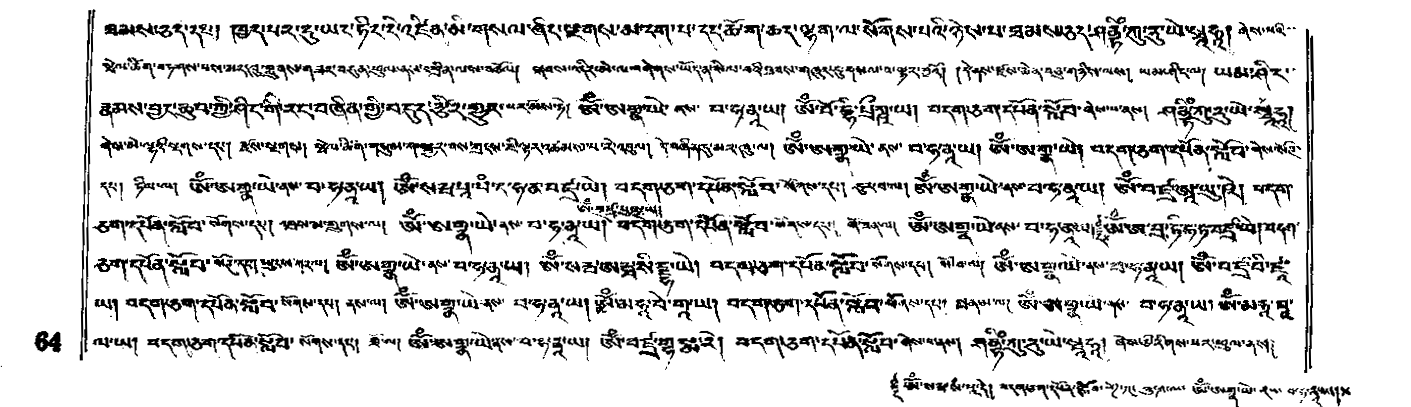ཐམས་ཅད་དང་། ཁྱད་པར་དུ་ཡང་ཏིང་ངེ་འཛིན་མི་གསལ་ཞིང་སྔགས་མ་དག་པ་དང་ཆོ་ག་ཆད་ལྷག་ལ་སོགས་པའི་ཉེས་པ་ཐམས་ཅད་ཤནྟིཾ་ཀུ་རུ་ཡེ་སྭཱཧཱ། ཞེས་པའི་
སྤེལ་ཚིག་བཏགས་པས་མར་ཁུ་བླུགས་གཟར་བདུན་ཕུལ་ནས་འཕྲིན་ལས་བཅོལ། སྐབས་འདིར་མེ་ལ་བགེགས་ཡོད་ན་སིལ་བའི་ཐབས་གཞུང་དུ་གསལ་བ་ལྟར་བྱའོ། །དེ་ནས་རྫས་ཆེན་བཅུ་གཉིས་ལས། ཡམ་ཤིང་ལ། ཡམ་ཤིང་
རྣམས་བྱང་ཆུབ་ཀྱི་ཤིང་གི་རང་བཞིན་གྱི་བདུད་རྩིར་གྱུར་པར་མོས་ཏེ།  ཨོཾ་ཨགན་ཡེ་ནས་བ་ཧ་ནཱ་ཡ། ཨོཾ་བོ་བྷི་པྲྀཀྵ་ཡ། བདག་ཅག་དཔོན་སློབ་ཞེས་པ་ནས།  ཤནྟིཾ་ཀུ་རུ་ཡེ་སྭཱཧཱ།
ཞེས་མེ་ལྷའི་སྔགས་དང་། རྫས་སྔགས། སྤེལ་ཚིག་གསུམ་ཀ་སྦྱར་བས་གྲངས་ཇི་ལྟར་འཚམས་པ་རེ་འབུལ། དེ་བཞིན་དུ་མར་ཁུ་ལ།  ཨོཾ་ཨགན་ཡེ་ནས་བ་ཧ་ནཱ་ཡ། ཨོཾ་ཨགན་ཡེ། བདག་ཅག་དཔོན་སློབ་ཞེས་སོགས་
དང་། ཏིལ་ལ། ཨོཾ་ཨགན་ཡེ་ནས་བ་ཧ་ནཱ་ཡ། ཨོཾ་སརྦ་པཱ་པཾ་ང་ཧ་ན་བཛྲ་ཡེ། བདག་ཅག་དཔོན་སློབ་སོགས་དང་། དུར་བ་ལ།  ཨོཾ་ཨགན་ཡེ་ནས་བ་ཧ་ནཱ་ཡ། ཨོཾ་བཛྲ་ཨཱ་ཡུ་ཥེ། བདག་
ཅག་དཔོན་སློབ་སོགས་དང་། འབྲས་མ་གྲུགས་ལ།  ཨོཾ་ཨགན་ཡེ་ནས་བ་ཧ་ནཱ་ཡ། ཨོཾ་བཛྲ་པུཥྚ་ཡ་བདག་ཅག་དཔོན་སློབ་སོགས་དང་། ཞོ་ཟན་ལ།  ཨོཾ་ཨགན་ཡེ་ནས་བ་ཧ་ནཱ་ཡ། ཨོཾ་སརྦ་སཾ་པཱ་དེ། བདག་ཅག་དཔོན་སློབ་སོགས་དང་སྐུ་ཤ་ལ་ཨོཾ་ཨགན་ཡེ་ནས་བལྟ་ནཱ་པ། ཨོཾ་ཨ་པྲ་ཏི་ཧ་ཏ་བཛྲ་ཡེ། བདག་
ཅག་དཔོན་སློབ་སོགས་དང་། ཡུངས་ཀར་ལ།  ཨོཾ་ཨགན་ཡེ་ནས་བ་ཧ་ནཱ་ཡ། ཨོཾ་སརྦ་ཨརྠ་སིདྡྷ་ཡེ། བདག་ཅག་དཔོན་སློབ་སོགས་དང་། སོ་བ་ལ།  ཨོཾ་ཨགན་ཡེ་ནས་བ་ཧ་ནཱ་ཡ། ཨོཾ་བཛྲ་བི་ཛཱ་
ཡ། བདག་ཅག་དཔོན་སློབ་སོགས་དང་། ནས་ལ།  ཨོཾ་ཨགན་ཡེ་ནས་བ་ཧ་ནཱ་ཡ། ཨོཾ་མཧཱ་བེ་གཱ་ཡ། བདག་ཅག་དཔོན་སློབ་སོགས་དང་། སྤན་མ་ལ།  ཨོཾ་ཨགན་ཡེ?་ནས?་བ་ཧ་ནཱ་ཡ། ཨོཾ་མཧཱ་བཱ་
ལ་ཡ། བདག་ཅག་དཔོན་སློབ་སོགས་དང་། གྲོ?་ལ་ཨོཾ་ཨགན་ཡེ་ནས་བ་ཧ་ཧཱ་ཡ། ཨོཾ་བཛྲ་གྷསྨ་རེ། བདག་ཅག་དཔོན་སློབ་ཞེས་པ་ནས།  ཤནྟིཾ་ཀུ་རུ་ཡེ་སྭཱཧཱ། ཞེས་ཅི་རིགས་པར་ཕུལ་ནས།